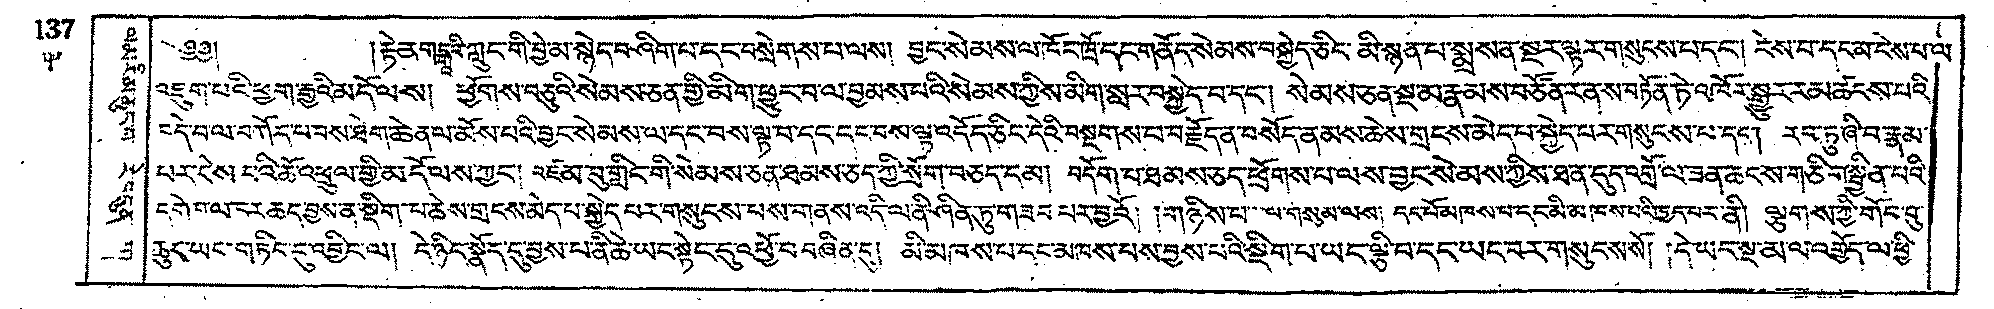༄༅། །རྟེན་གངྒཱའི་ཀླུང་གི་བྱེ་མ་སྙེད་བཤིག་པ་དང་བསྲེགས་པ་ལས། བྱང་སེམས་ལ་ཁོང་ཁྲོ་དང་གནོད་སེམས་བསྐྱེད་ཅིང་མི་སྙན་པ་སྨྲས་ན་སྔར་ལྟར་གསུངས་པ་དང་། ངེས་པ་དང་མ་ངེས་པ་ལ་
འཇུག་པའི་ཕྱག་རྒྱའི་མདོ་ལས། ཕྱོགས་བཅུའི་སེམས་ཅན་གྱི་མིག་ཕྱུང་བ་ལ་བྱམས་པའི་སེམས་ཀྱིས་མིག་སླར་བསྐྱེད་པ་དང་། སེམས་ཅན་སྔ་མ་རྣམས་བརྩོན་ར་ནས་བཏོན་ཏེ་འཁོར་སྒྱུར་རམ་ཚངས་པའི་
བདེ་བ་ལ་བཀོད་པ་བས་ཐེག་ཆེན་ལ་མོས་པའི་བྱང་སེམས་ལ་དང་བས་ལྟ་བ་དང་དང་བས་ལྟ་འདོད་ཅིང་དེའི་བསྔགས་པ་བརྗོད་ན་བསོད་ནམས་ཆེས་གྲངས་མེད་པ་སྐྱེད་པར་གསུངས་པ་དང་། རབ་ཏུ་ཞི་བ་རྣམ་
པར་ངེས་པའི་ཆོ་འཕྲུལ་གྱི་མདོ་ལས་ཀྱང་། འཛམ་བུ་གླིང་གི་སེམས་ཅན་ཐམས་ཅད་ཀྱི་སྲོག་བཅད་དམ། བདོག་པ་ཐམས་ཅད་ཕྲོགས་པ་ལས་བྱང་སེམས་ཀྱིས་ཐ་ན་དུད་འགྲོ་ལ་ཟན་ཆངས་གཅིག་སྦྱིན་པའི་
དགེ་བ་ལ་བར་ཆད་བྱས་ན་སྡིག་པ་ཆེས་གྲངས་མེད་པ་སྐྱེད་པར་གསུངས་པས་གནས་འདི་ལ་ནི་ཤིན་ཏུ་གཟབ་པར་བྱའོ། །གཉིས་པལ་གསུམ་ལས། དང་པོ་མཁས་པ་དང་མི་མཁས་པའི་ཁྱད་པར་ནི། ལྖགས་ཀྱི་གོང་བུ་
ཆུང་ཡང་གཏིང་ངུ་འབྱིང་ལ། དེ་ཉིད་སྣོད་དུ་བྱས་པ་ནི་ཆེ་ཡང་སྟེང་དུ་འཕྱོ་བ་བཞིན་དུ། མི་མཁས་པ་དང་མཁས་པས་བྱས་པའི་སྡིག་པ་ཡང་ལྕི་བ་དང་ཡང་བར་གསུངས་སོ། །དེ་ཡང་སྔ་མ་ལ་འགྱོད་ལ་ཕྱི་